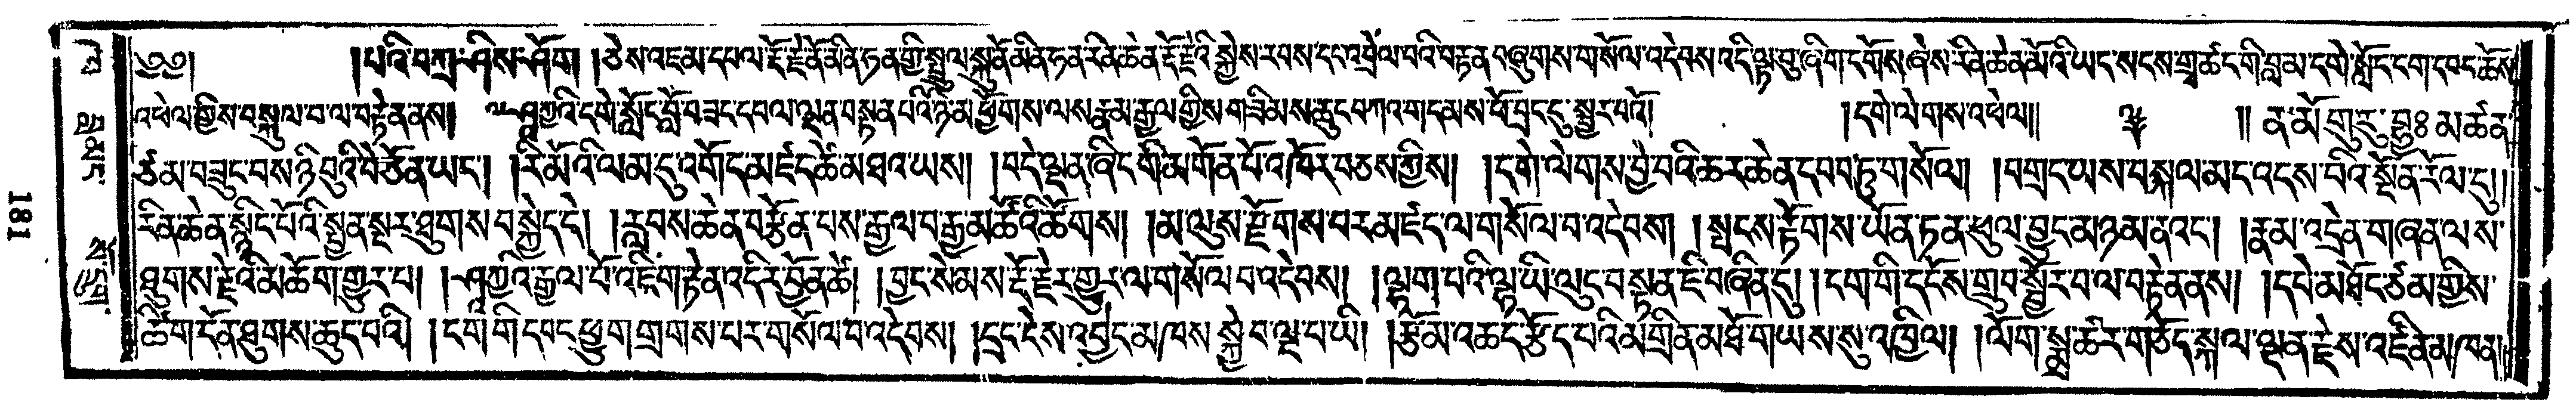༄༅། །པའི་བཀྲ་ཤིས་ཤོག །ཅེས་འཇམ་དཔལ་རྡོ་རྗེ་ནོ་མིན་ཧན་གྱི་སྤྲུལ་སྐུ་ནོ་མིན་ཧན་རིན་ཆེན་རྡོ་རྗེའི་སྐྱེས་རབས་དང་འབྲེལ་བའི་བརྟན་བཞུགས་གསོལ་འདེབས་འདི་ལྟ་བུ་ཞིག་དགོས་ཞེས་རིན་ཆེན་མོའི་ཡང་སངས་གྲྭ་ཚང་གི་བླ་མ་དགེ་སློང་ངག་དབང་ཆོས་
འཕེལ་གྱིས་བསྐུལ་བ་ལ་བརྟེན་ནས། ༧་ཤཱཀྱའི་དགེ་སློང་བློ་བཟང་དཔལ་ལྡན་བསྟན་པའི་ཉི་མ་ཕྱོགས་ལས་རྣམ་རྒྱལ་གྱིས་གཟིམས་ཆུང་བཀའ་གདམས་ཕོ་བྲང་དུ་སྦྱར་བའོ། །དགེ་ལེགས་འཕེལ།། ༈ །།ན་མོ་གུ་རུ་བྷྱཿ མཚན་
ཙམ་བཟུང་བས་ཉི་བུའི་བེ་ཅོན་ཡང་། །རི་མོའི་ལམ་དུ་འགོད་མཛད་ཚེ་མཐའ་ཡས། །བདེ་ལྡན་ཞིང་གི་མགོན་པོ་འཁོར་བཅས་ཀྱིས། །དགེ་ལེགས་བྱེ་བའི་ཆར་ཆེན་དབབ་ཏུ་གསོལ། །བགྲང་ཡས་བསྐལ་མང་འདས་པའི་སྔོན་རོལ་དུ།།
རིན་ཆེན་སྙིང་པོའི་སྤྱན་སྔར་ཐུགས་བསྐྱེད་དེ། །རླབས་ཆེན་བརྩོན་པས་རྒྱལ་བ་རྒྱ་མཚོའི་ཚོགས། །མ་ལུས་རྫོགས་པར་མཛད་ལ་གསོལ་བ་འདེབས། །སྤངས་རྟོགས་ཡོན་ཏན་ཕུལ་བྱུང་མཉམ་ནའང་། །རྣམ་འདྲེན་གཞན་ལས་
ཐུགས་རྗེའི་མཆོག་གྱུར་པ། །ཤཱཀྱའི་རྒྱལ་པོ་འཇིག་རྟེན་འདིར་བྱོན་ཚེ། །བྱང་སེམས་རྡོ་རྗེར་གྱུར་ལ་གསོལ་བ་འདེབས། །ལྷག་པའི་ལྷ་ཡི་ལུང་བསྟན་ཇི་བཞིན་དུ། །ངག་གི་དངོས་གྲུབ་སྦྱོར་བ་ལ་བརྟེན་ནས། །དཔེ་མཐོང་ཙམ་གྱིས་
ཚིག་དོན་ཐུགས་ཆུད་པའི། །ངག་གི་དབང་ཕྱུག་གྲགས་པར་གསོལ་བ་འདེབས། །དྲང་ངེས་འབྱེད་མཁས་སྐྱེ་བ་ལྔ་པ་ཡི། །རྩོམ་འཆད་རྩོད་པའི་མགྲིན་མཐོ་གཡས་སུ་འཁྱིལ། །ལོག་སྨྲ་ཚར་གཅོད་སྐལ་ལྡན་རྗེས་འཛིན་མཁན།